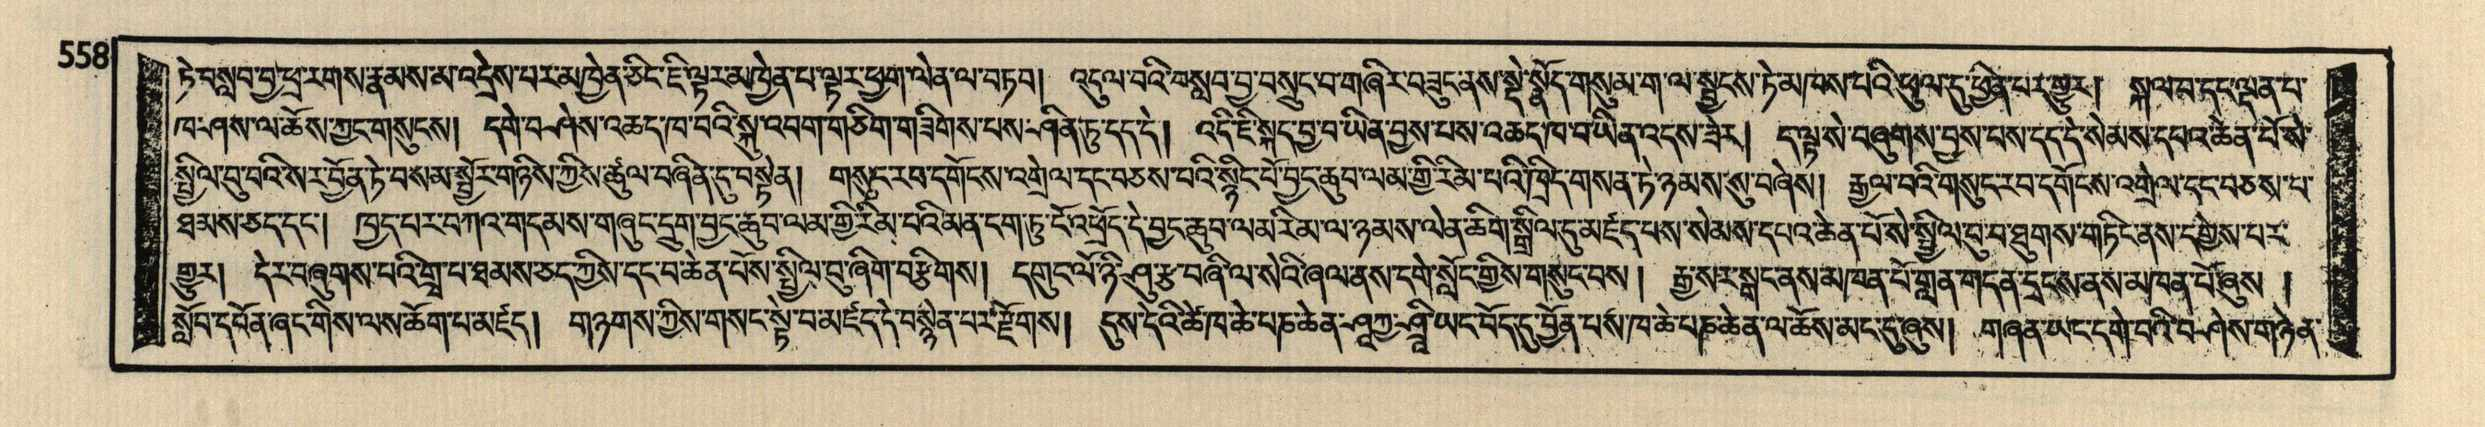ཏེ་བསླབ་བྱ་ཕྲ་རགས་རྣམས་མ་འདྲེས་པར་མཁྱེན་ཅིང་ཇི་ལྟར་མཁྱེན་པ་ལྟར་ཕྱག་ལེན་ལ་བཏབ། འདུལ་བའི་བསླབ་བྱ་བསྲུང་བ་གཞིར་བཟུང་ནས་སྡེ་སྣོད་གསུམ་ག་ལ་སྦྱངས་ཏེ་མཁས་པའི་ཕུལ་དུ་ཕྱིན་པར་གྱུར། སྐལ་བ་དང་ལྡན་པ་
ཁ་ཤས་ལ་ཆོས་ཀྱང་གསུངས། དགེ་བཤེས་འཆད་ཁ་བའི་སྐུ་འབག་གཅིག་གཟིགས་པས་ཤིན་ཏུ་དད་དེ། འདི་ཇི་སྐད་བྱ་བ་ཡིན་བྱས་པས་འཆད་ཁ་བ་ཡིན་འདས་ཟེར། ད་ལྟ་སེ་བཞུགས་བྱས་པས་དད་དེ་སེམས་དཔའ་ཆེན་པོ་སེ་
སྤྱིལ་བུ་བའི་སར་བྱོན་ཏེ་བསམ་སྦྱོར་གཉིས་ཀྱིས་ཚུལ་བཞིན་དུ་བསྟེན། གསུང་རབ་དགོངས་འགྲེལ་དང་བཅས་པའི་སྙིང་པོ་བྱང་ཆུབ་ལམ་གྱི་རིམ་པའི་ཁྲིད་གསན་ཏེ་ཉམས་སུ་བཞེས། རྒྱལ་བའི་གསུང་རབ་དགོངས་འགྲེལ་དང་བཅས་པ་
ཐམས་ཅད་དང་། ཁྱད་པར་བཀའ་གདམས་གཞུང་དྲུག་བྱང་ཆུབ་ལམ་གྱི་རིམ་པའི་མན་ངག་ཏུ་ངོ་འཕྲོད་དེ་བྱང་ཆུབ་ལམ་རིམ་ལ་ཉམས་ལེན་ཆིག་སྒྲིལ་དུ་མཛད་པས་སེམས་དཔའ་ཆེན་པོ་སེ་སྤྱིལ་བུ་བ་ཐུགས་གཏིང་ནས་དགྱེས་པར་
གྱུར། དེར་བཞུགས་པའི་གྲྭ་པ་ཐམས་ཅད་ཀྱིས་དང་བ་ཆེན་པོས་སྤྱིལ་བུ་ཞིག་བརྩིགས། དགུང་ལོ་ཉི་ཤུ་རྩ་བཞི་ལ་སེའི་ཞལ་ནས་དགེ་སློང་གྱིས་གསུང་བས། རྒྱ་སར་སྒང་ནས་མཁན་པོ་གླན་གདན་དྲངས་ནས་མཁན་པོ་ཞུས་།
སློབ་དཔོན་ཞང་གིས་ལས་ཆོག་པ་མཛད། གཉགས་ཀྱིས་གསང་སྟེ་བ་མཛད་དེ་བསྙེན་པར་རྫོགས། དུས་དེའི་ཚེ་ཁ་ཆེ་པཎ་ཆེན་ཤཱཀྱ་ཤྲཱི་ཡང་བོད་དུ་བྱོན་པས་ཁ་ཆེ་པཎ་ཆེན་ལ་ཆོས་མང་དུ་ཞུས། གཞན་ཡང་དགེ་བའི་བཤེས་གཉེན་